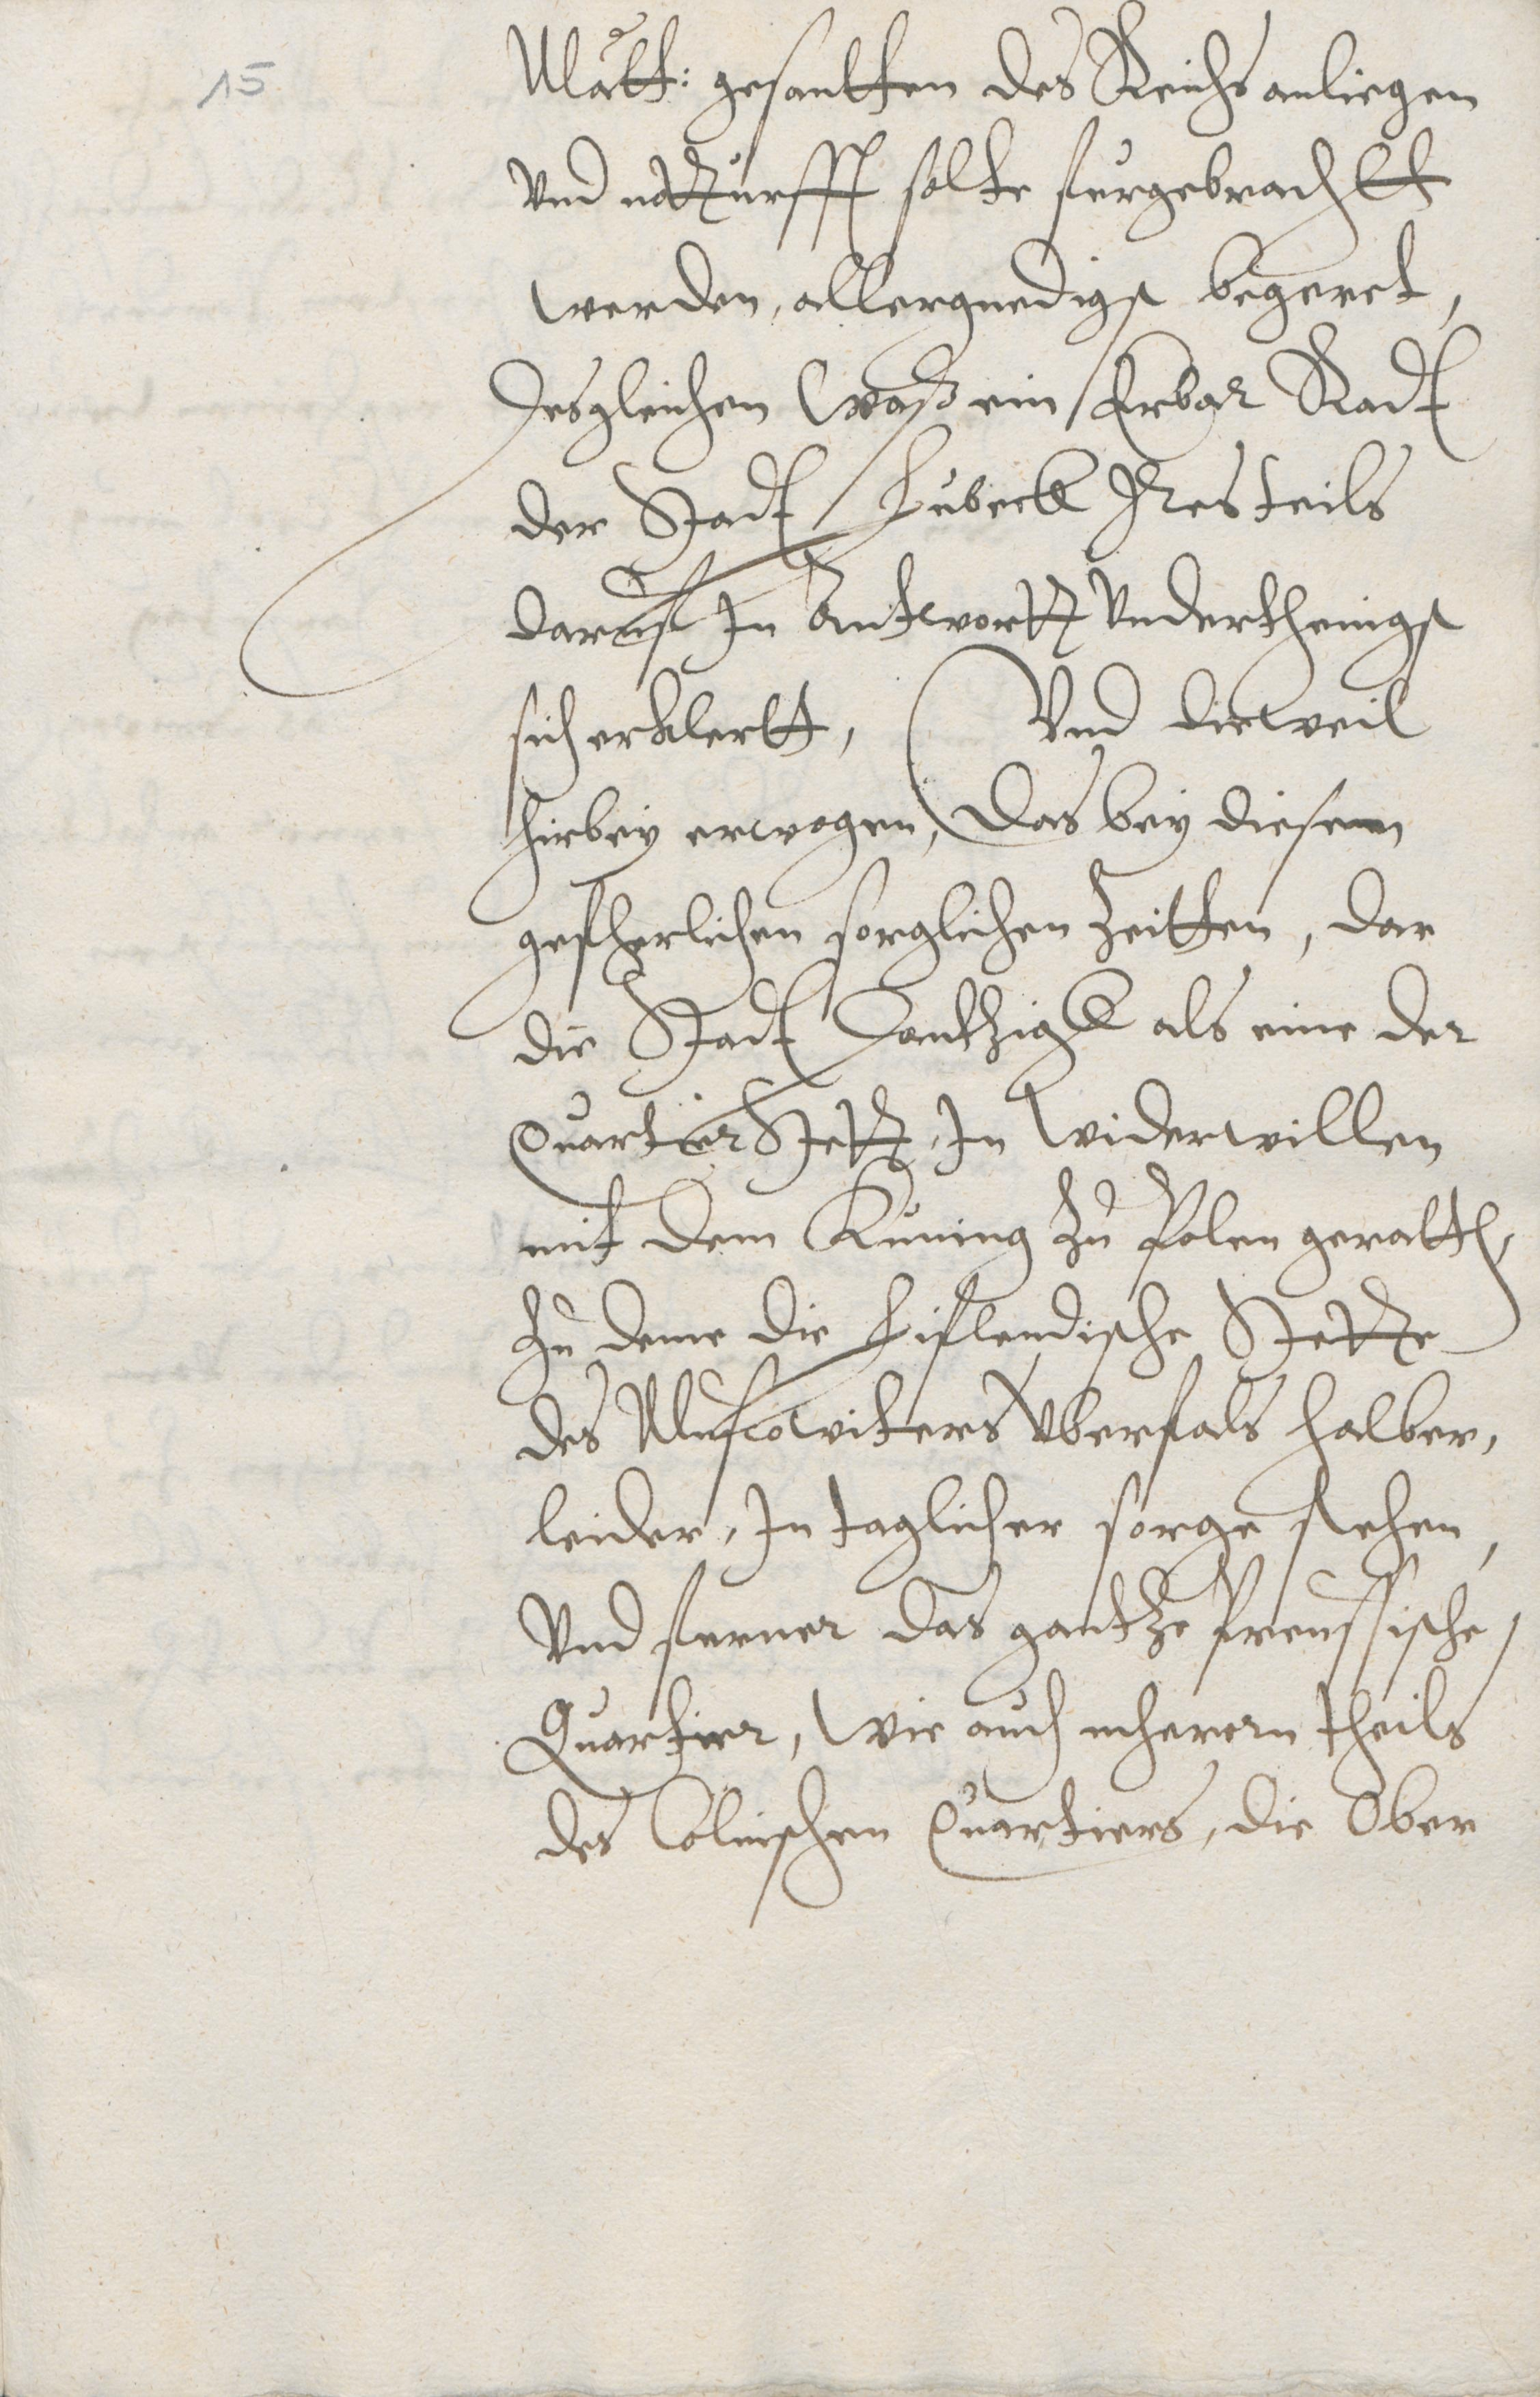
Matt: gesantten des Reichs anliegen
vnd notturfft solte furgebrachtt
werden, allergnedigst begeret,
desgleichen waß ein Erbar Radt
der Stadt Lubeck Jres teils
daruf Jn Antwortt vnderthenigst
sich erklertt, Vnd dieweil
hirbey erwogen, das beij diesern
gefherlichen sorglichen zeitten, dar
die Stadt Dantzigk als eine der
Quartier Stett, Jn widerwillen
mit dem Kuning zu Polen geratten,
zu deme die Liflendische Stette
des Muscowiters vberfals halber,
leider, Jn taglicher sorge stehen,
vnd ferner das gantze Preussische
Quartier, wie auch mherern teils
des Colnischen Quartiers, die Ober
